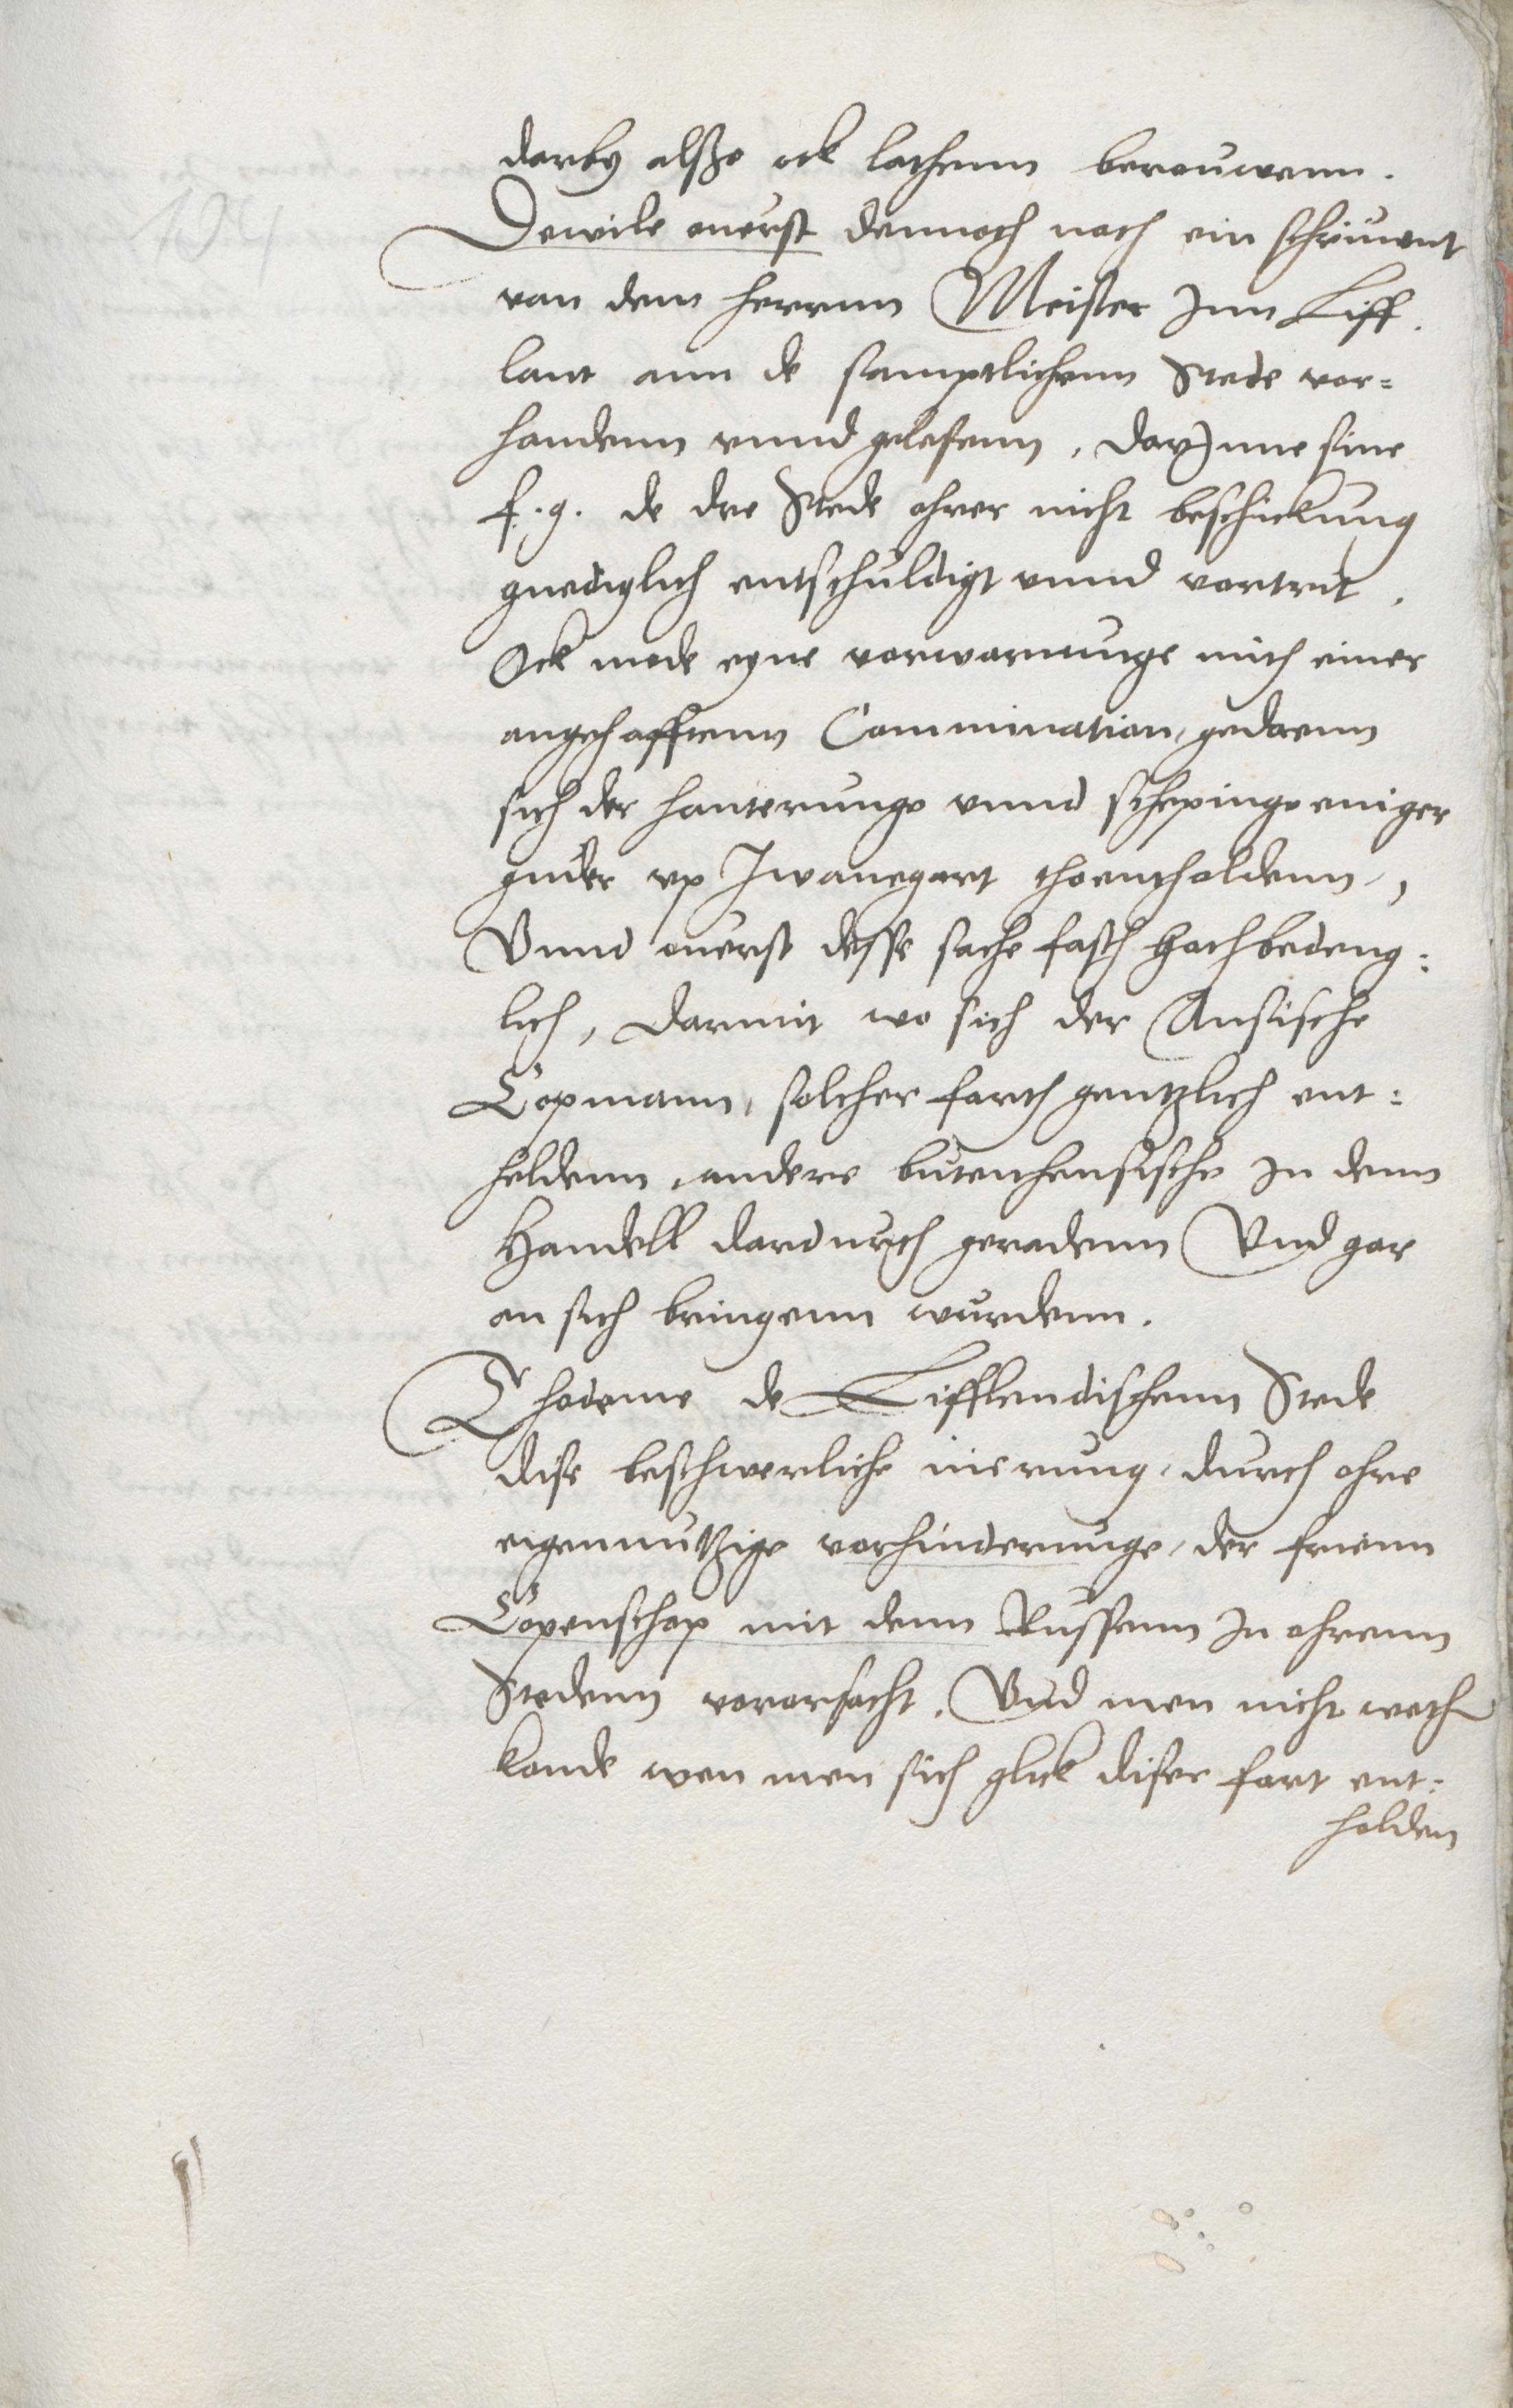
darby alßo ock lathenn berouwenn.
Dewile ouerst dennoch noch ein schriuent
van dem herrnn Meister jnn Liff¬
lant ann de samptlichenn Stede vor¬
handenn vnnd gelesenn, Darjnne sine
f. g. de dre Stede ohrer nicht beschickung
gnediglich entschuldigt vnnd vortrit.
Ock mede eyne vorwarnunge mith einer
angehafftenn Commination, gedaenn
sich der hanterunge vnnd schepinge einiger
guder vp Iwanegart thoentholdenn,
Vnnd ouerst desse sache fasth hochbedeng¬
lich, Darmit wo sich der Ansische
Copmann, solcher farth gentzlich ent¬
heldenn, andere butenhensische jn denn
Handell dardurch geradenn Vnd gar
an sich bringenn wurdenn.
Thodeme de Lifflendischenn Stede
dise beschwerliche nierung, durch ohre
eigennutzige vorhinderunge, der frienn
Copenschop mit denn Russenn jn ohrenn
Stedenn vororsacht. Vnd men nicht wethen
konde wen men sich glick diser fart ent¬
holden
